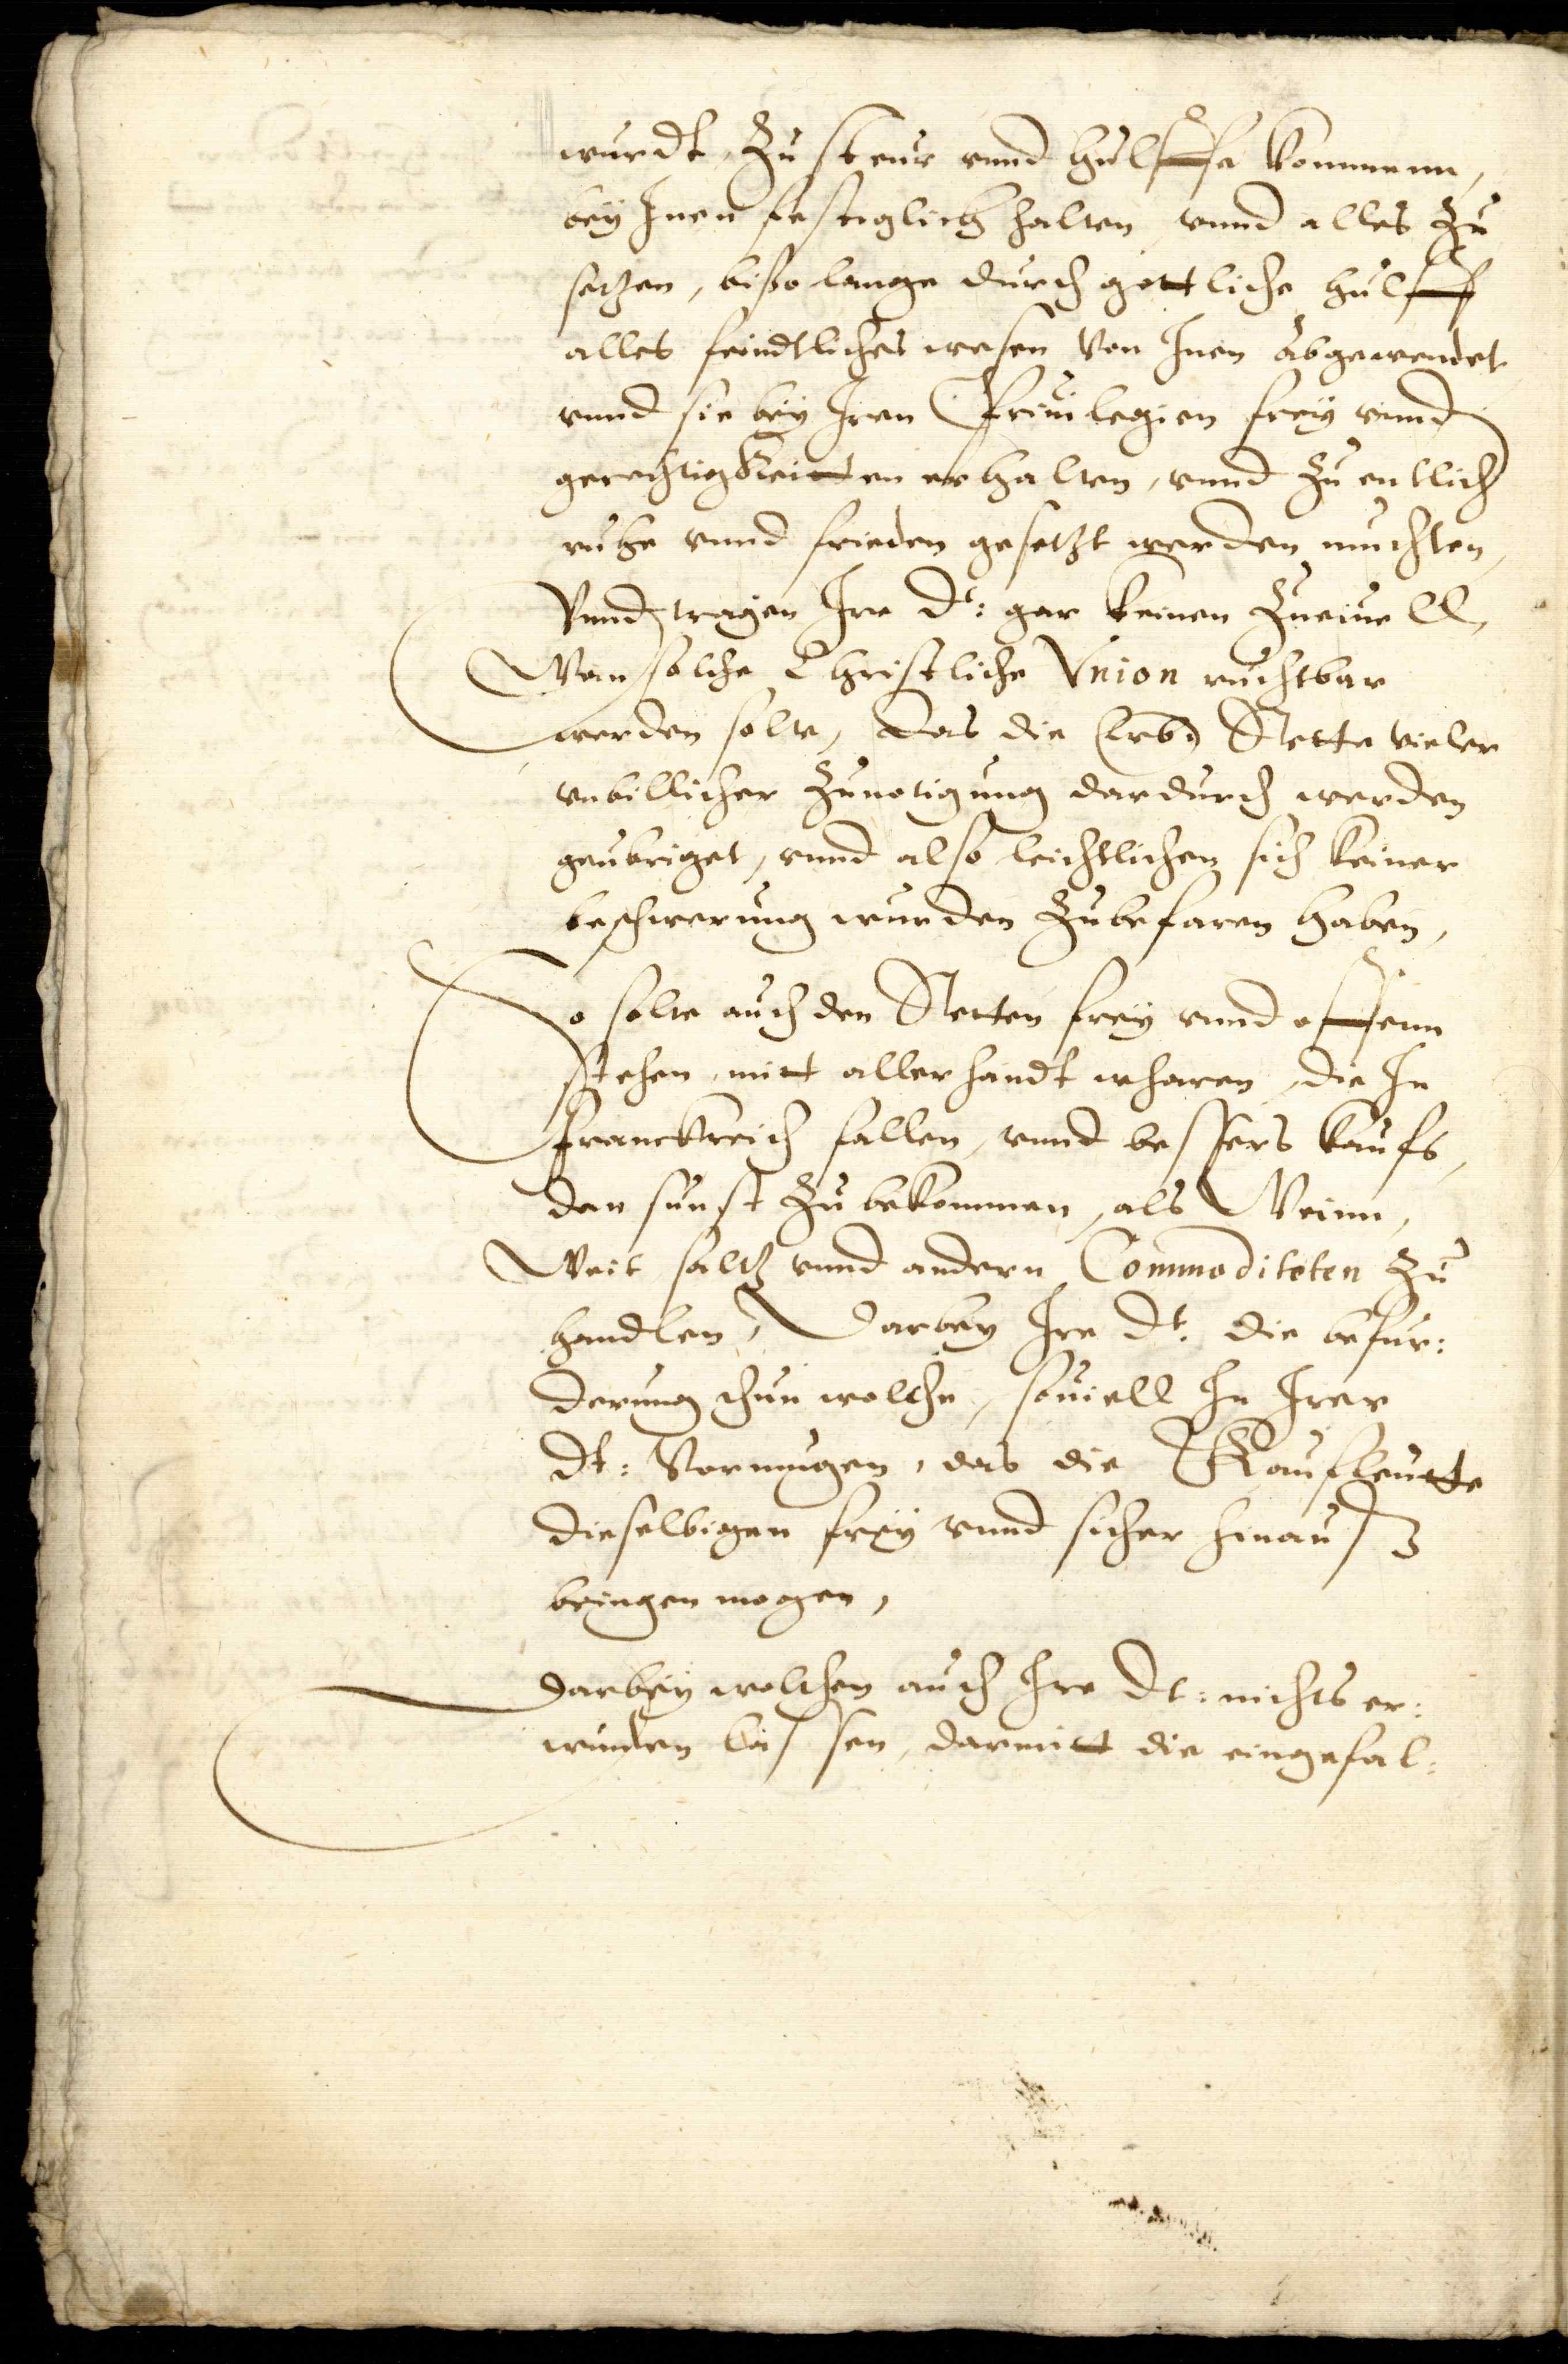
wurdt zu steur vnnd hulffe kommenn,
beij Jnen festiglich halten vnnd alles zu
setzen, bißolange durch gottliche hulff
alles feindtliches wesen von Jnen abgewendet
vnnd sie beij Jren Priuilegien freij vnnd
gerechtigkeitten erhalten, vnnd zu entlich
ruhe vnnd frieden gesetzt werden muchten,
Vnnd tragen Jre Dt: gar keinen Zueiuell,
Wan solche Christliche Vnion ruchtbar
werden solte, das die Erb. Stette vieler
vnbillicher Zunotigung dardurch werden
geubriget, vnnd also leichtlichen sich keiner
beschwerung wurden zubefaren Haben,
So solte auch den Stetten freij vnnd offenn
stehen, mitt aller handt wharen, die Jn
Franckreich fallen, vnnd bessers kaufs,
dan sunst zu bekommen, als Weinn,
Weit saltz vnnd andern Commoditeten zu
handlen, darbey Jre Dt. die befur¬
derung thun wolthe, souiell Jn Jrer
Dt: vormugen, das die Kaufleutte
dieselbigen freij vnnd sicher hinauß
bringen mogen,
darbeij wolthen auch Jre Dt: nichts er—
wunten lassen darmitt die eingefal¬
